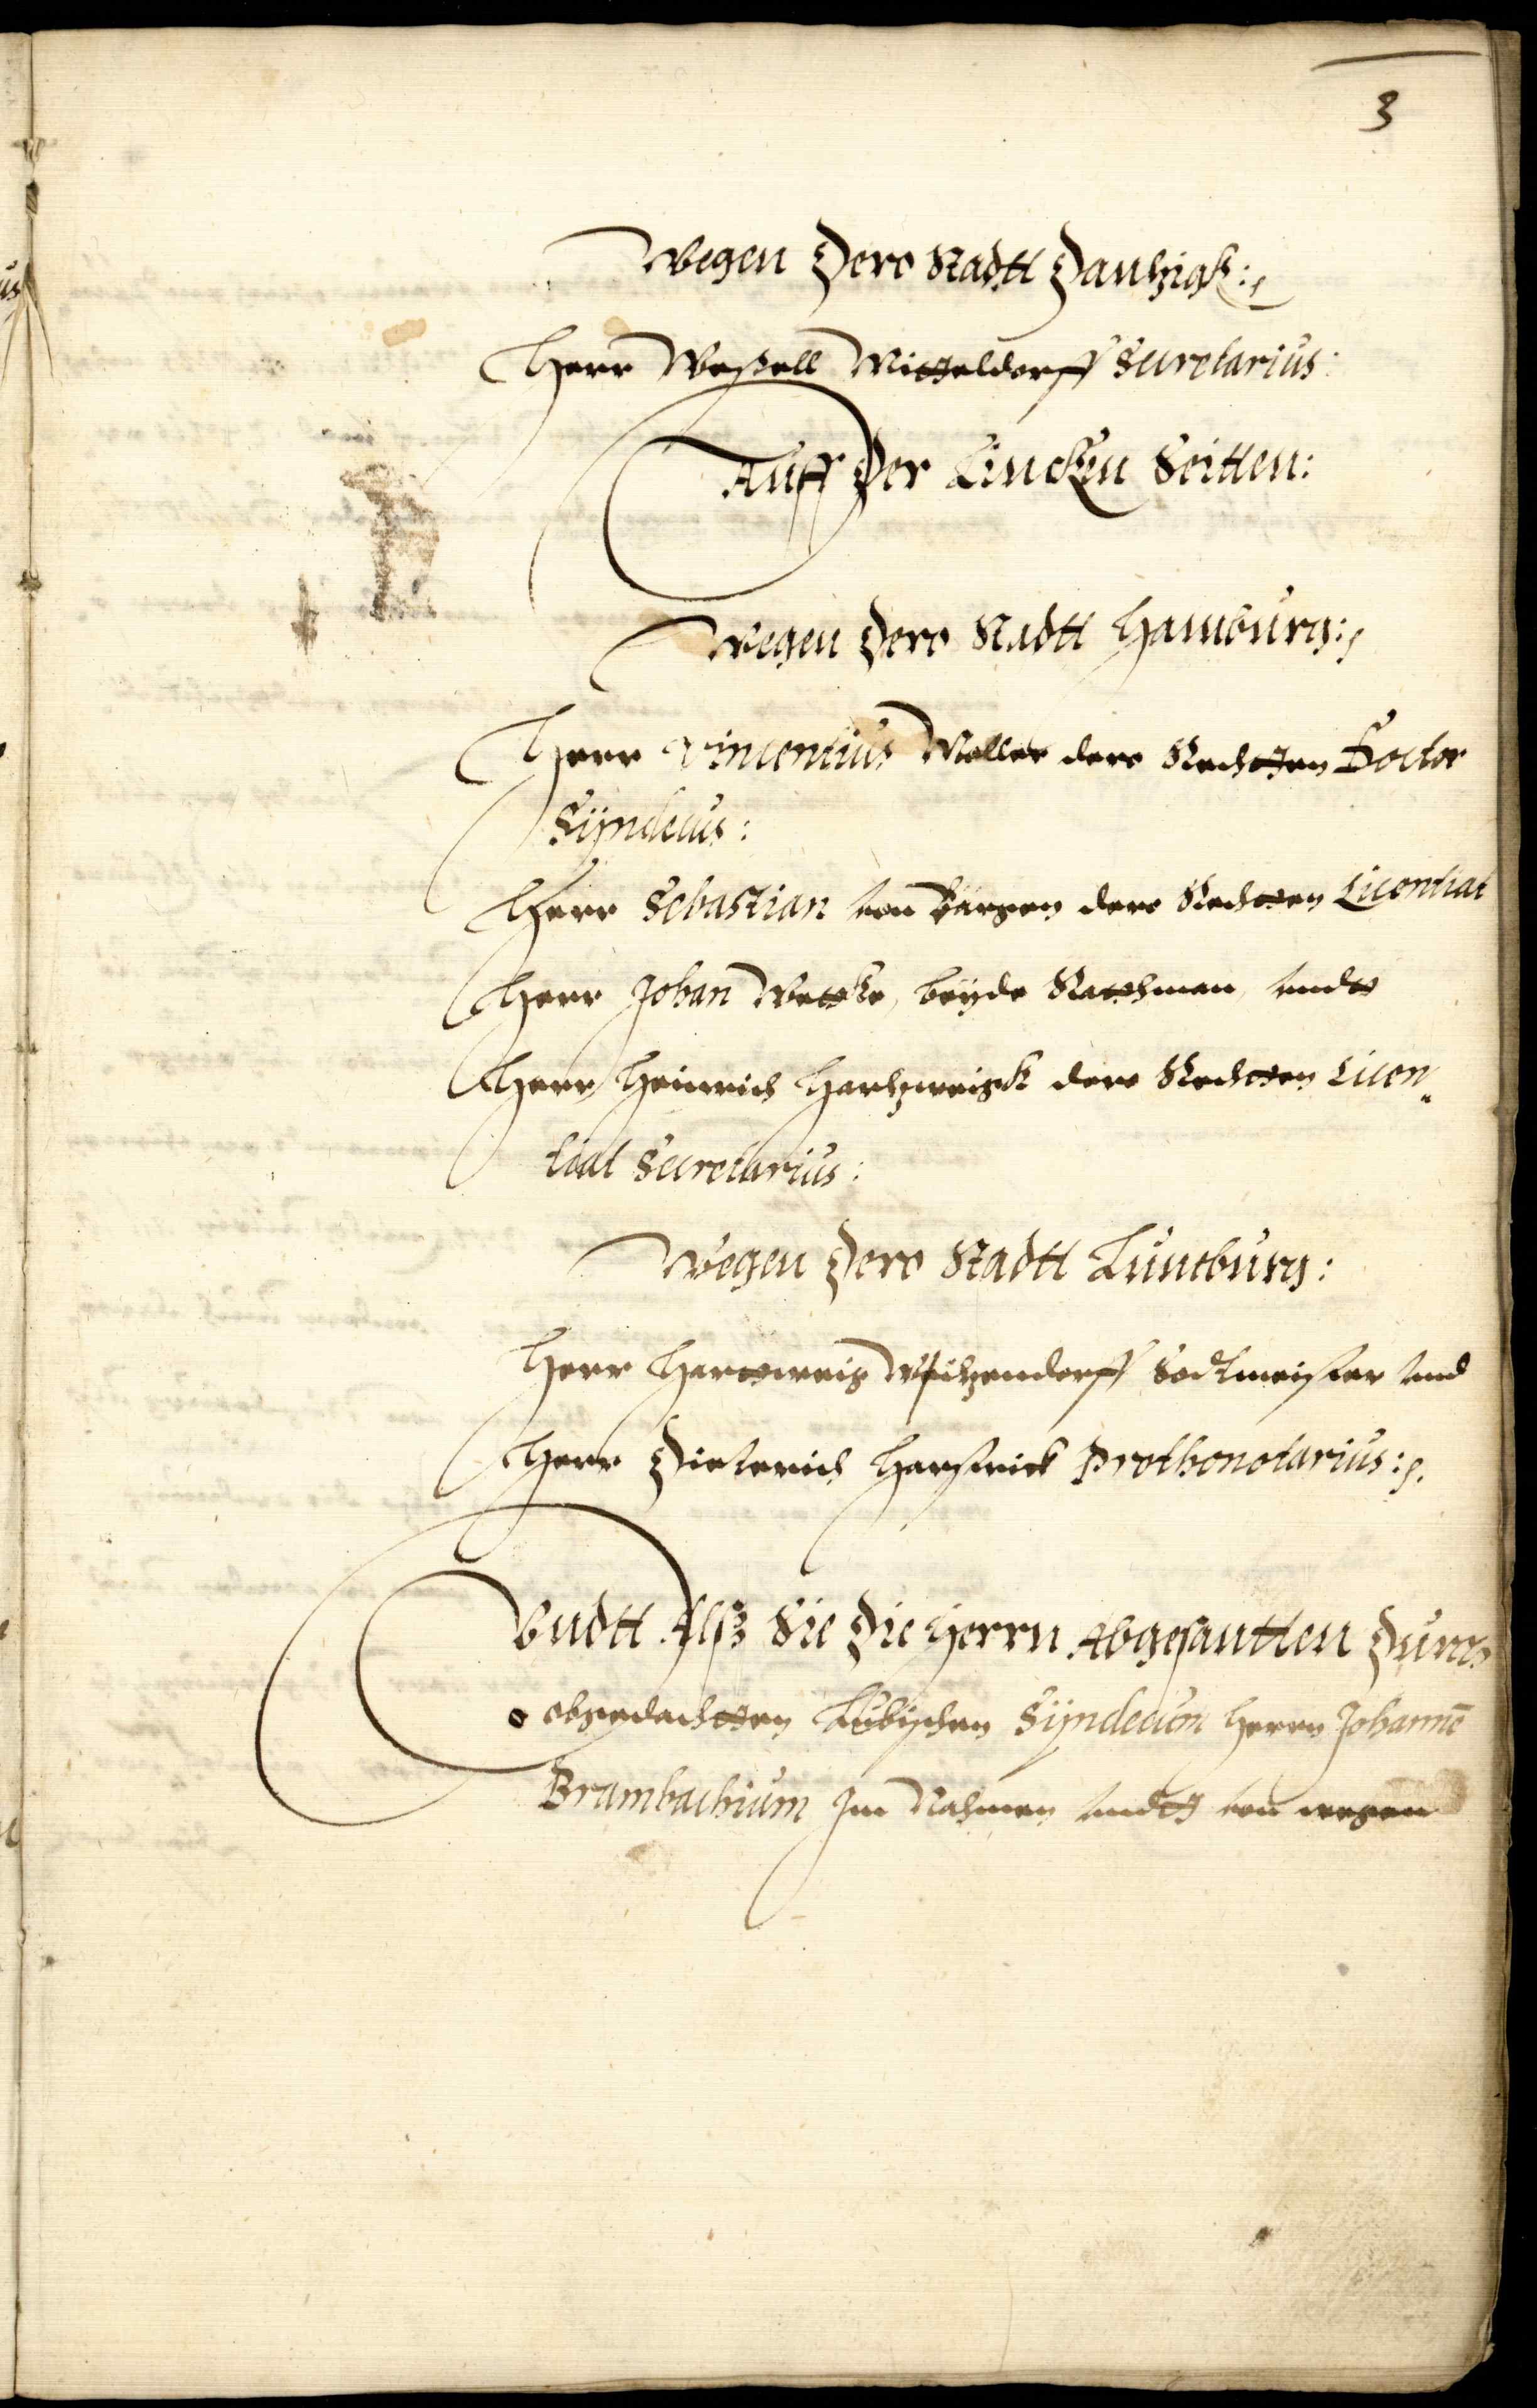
3
Wegen Dero Stadtt Dantzigk: p
Herr Weßell Mitteldorff Secretarius:
Auff der Lincken Seitten:
Wegen Dero Stadtt Hamburg: p
Herr Vincentius Moller dero Rechtten Doctor
Sijndecus:
Herr Sebastian von Bärgen dero Rechtten Licentiat
Herr Johan Wettke, beijde Ratthman vndtt
Herr Heinrich Hartzweigk dero Rechtten Licen¬
tiat Secretarius:
Wegen Dero Stadtt Luneburg:
Herr Harttweig Weitzendorff Sodtmeister vnd
Herr Dieterich Harstrick Prothonotarius: p,
Vndtt Alß Sie Die Herrn Abgesantten Durch
o obgedachtten Lubischen Sijndecum Herrn Johannem
Brambachium Im Nahmen vndtt von wegen
